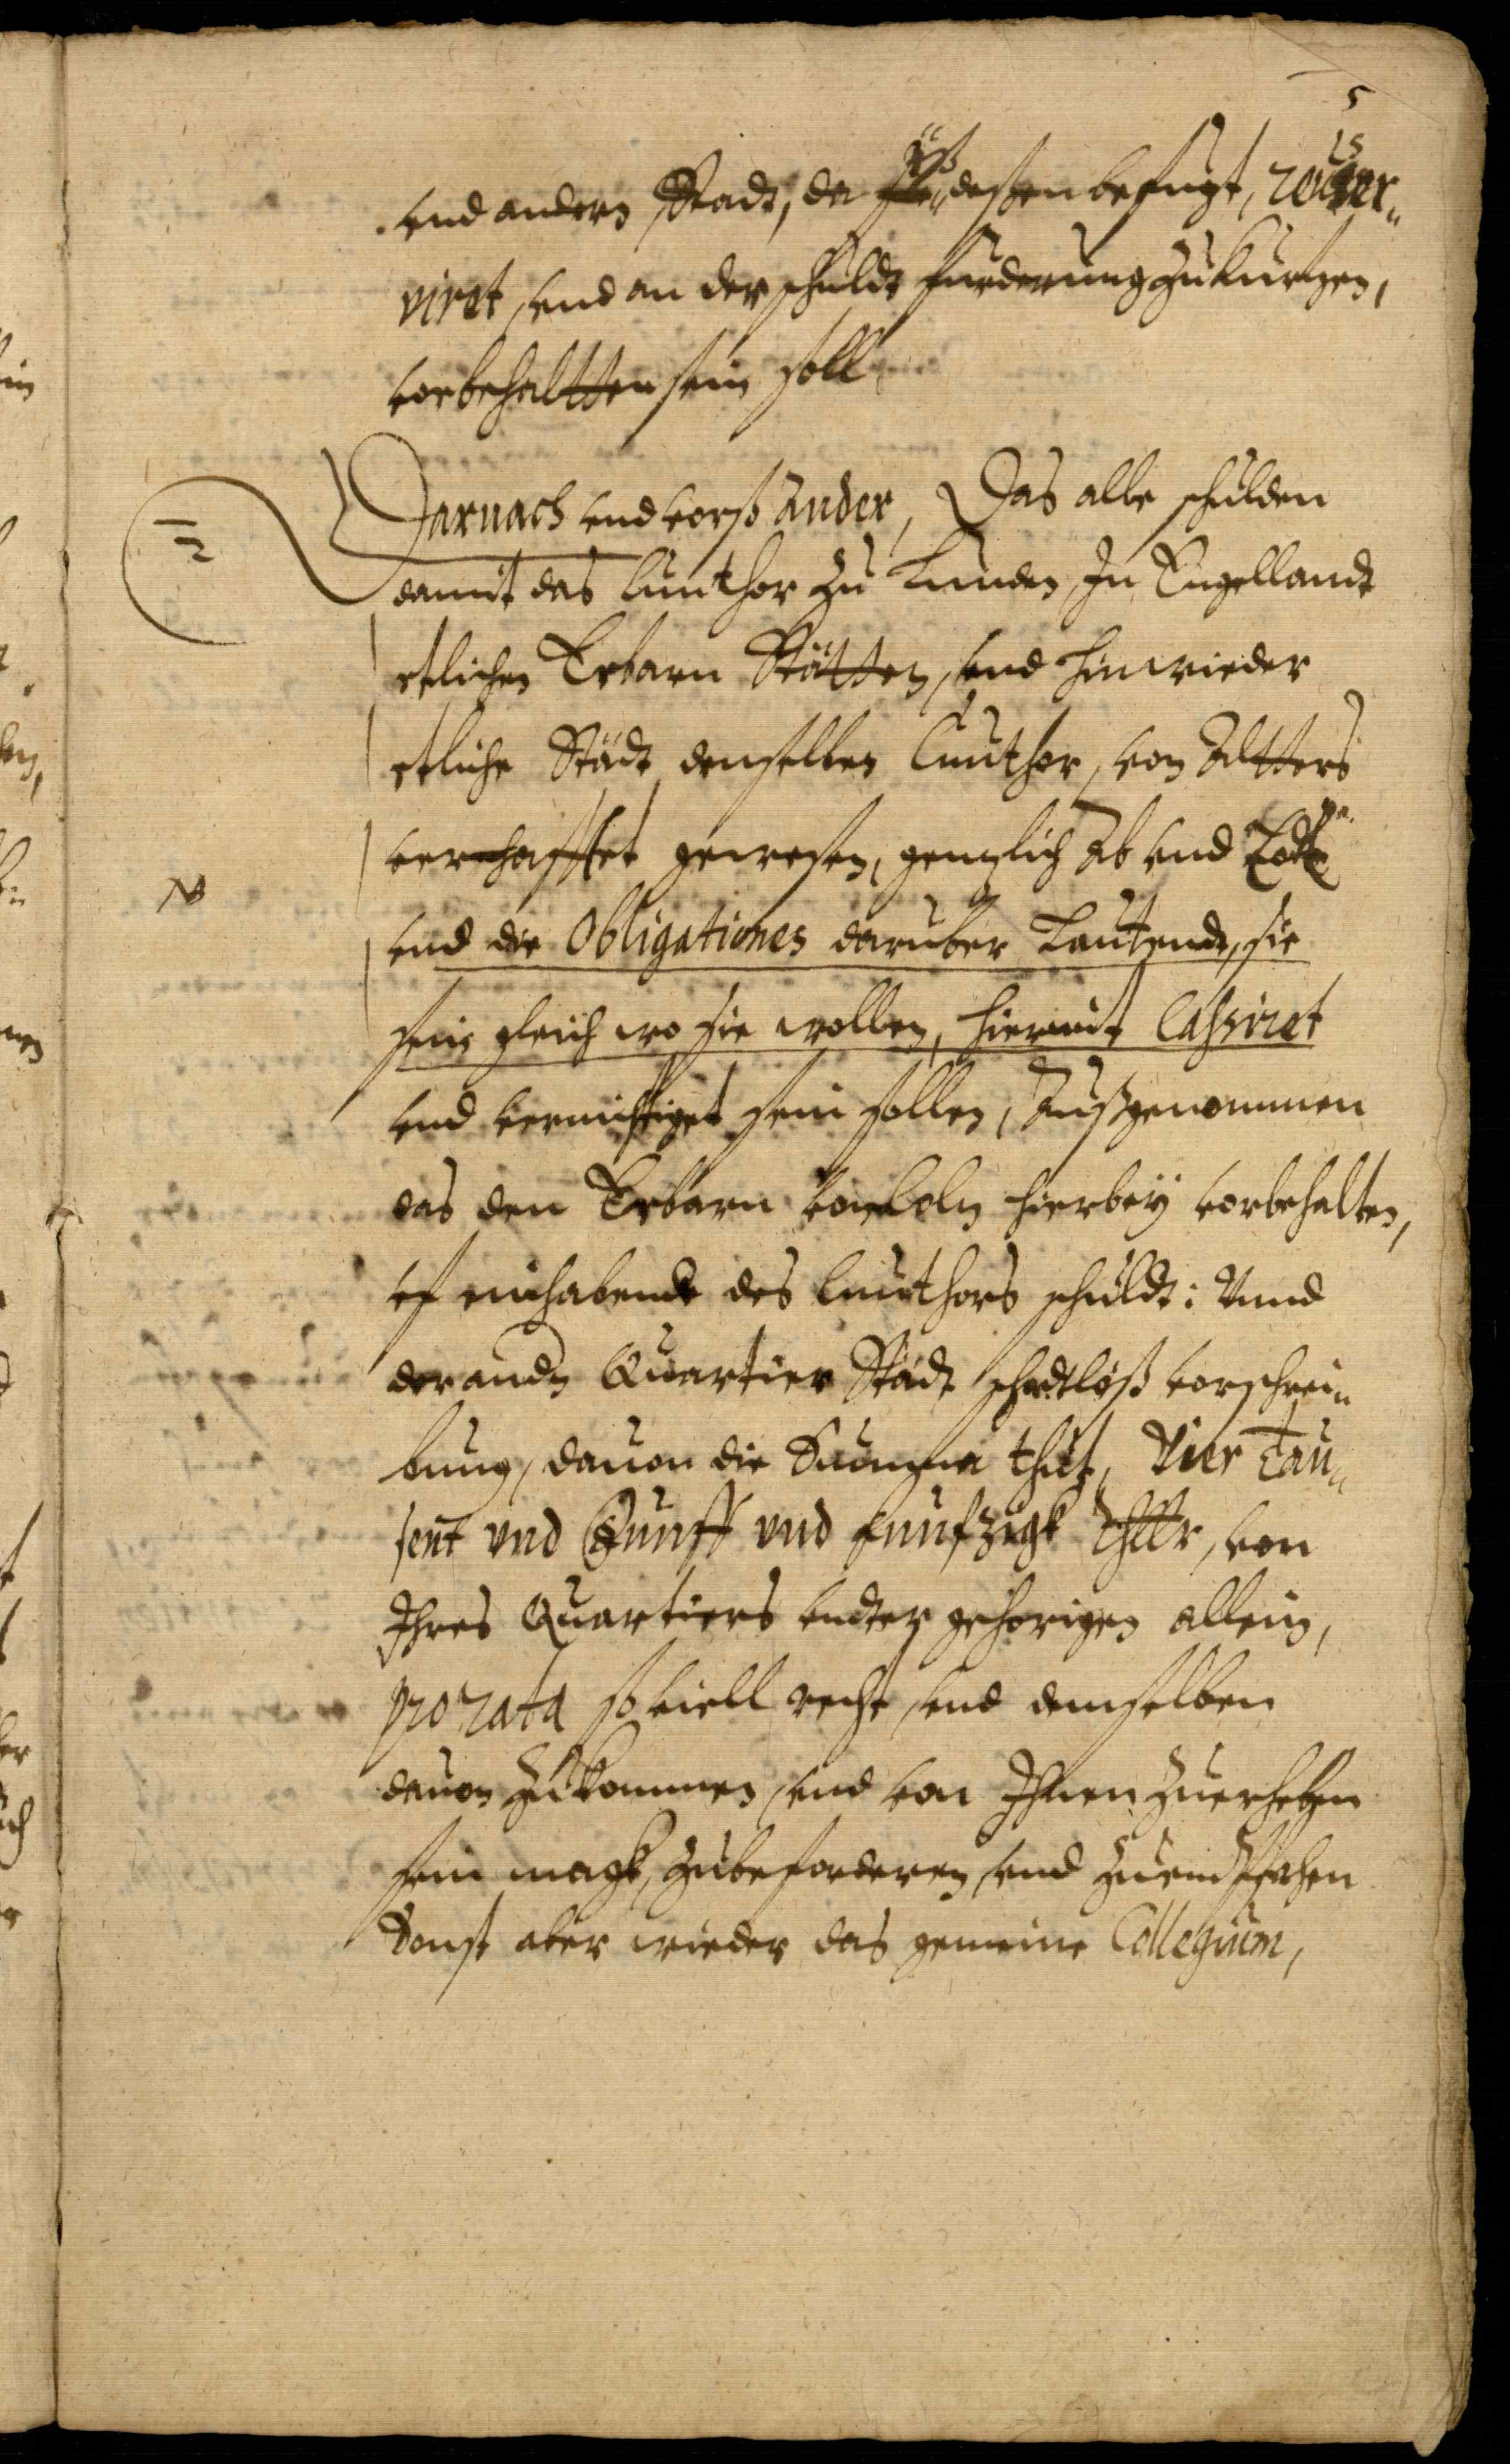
5
vnd andern Stadt ,da eß deßen befugt,reser¬
viret, vnd an der schuldt furderung zu kurtzen,
vorbehaltten sein soll.
Darnach vnd vorß ander, das alle schulden
damit das Cunthor zu Lunden, zu Engellandt
etlichen Erbarn Stätten, vnd hinwieder
etliche Städt demselben Cunthor, von Altters
verhafftet gewesen, genzlich Ab vnd ladt
vnd die Obligationes daruber Lautendt, sie
sein gleich wo sie wollen, hiermit Cassiret
vnd vernichtiget sein sollen, außgenommen
das den Erbarn van Coln hierbeij vorbehalten,
vf einhabendt des Cunthors schuldt: vnnd
der andern Quatier Städt schadtloß vorschrei¬
bung, dauon die Summa thut, vier tau¬
sent vnd Funff vnd funfzigk thaller, von
Ihres Quartiers ander gehorigen allein,
pro rata soviell recht, vnd demselben
dauon zukommen, vnd von Ihnen zuerheben
sein magk, zubeforderen vnd zuempfahen
sonst aber wieder das gemeine Collegium,
2
NB
